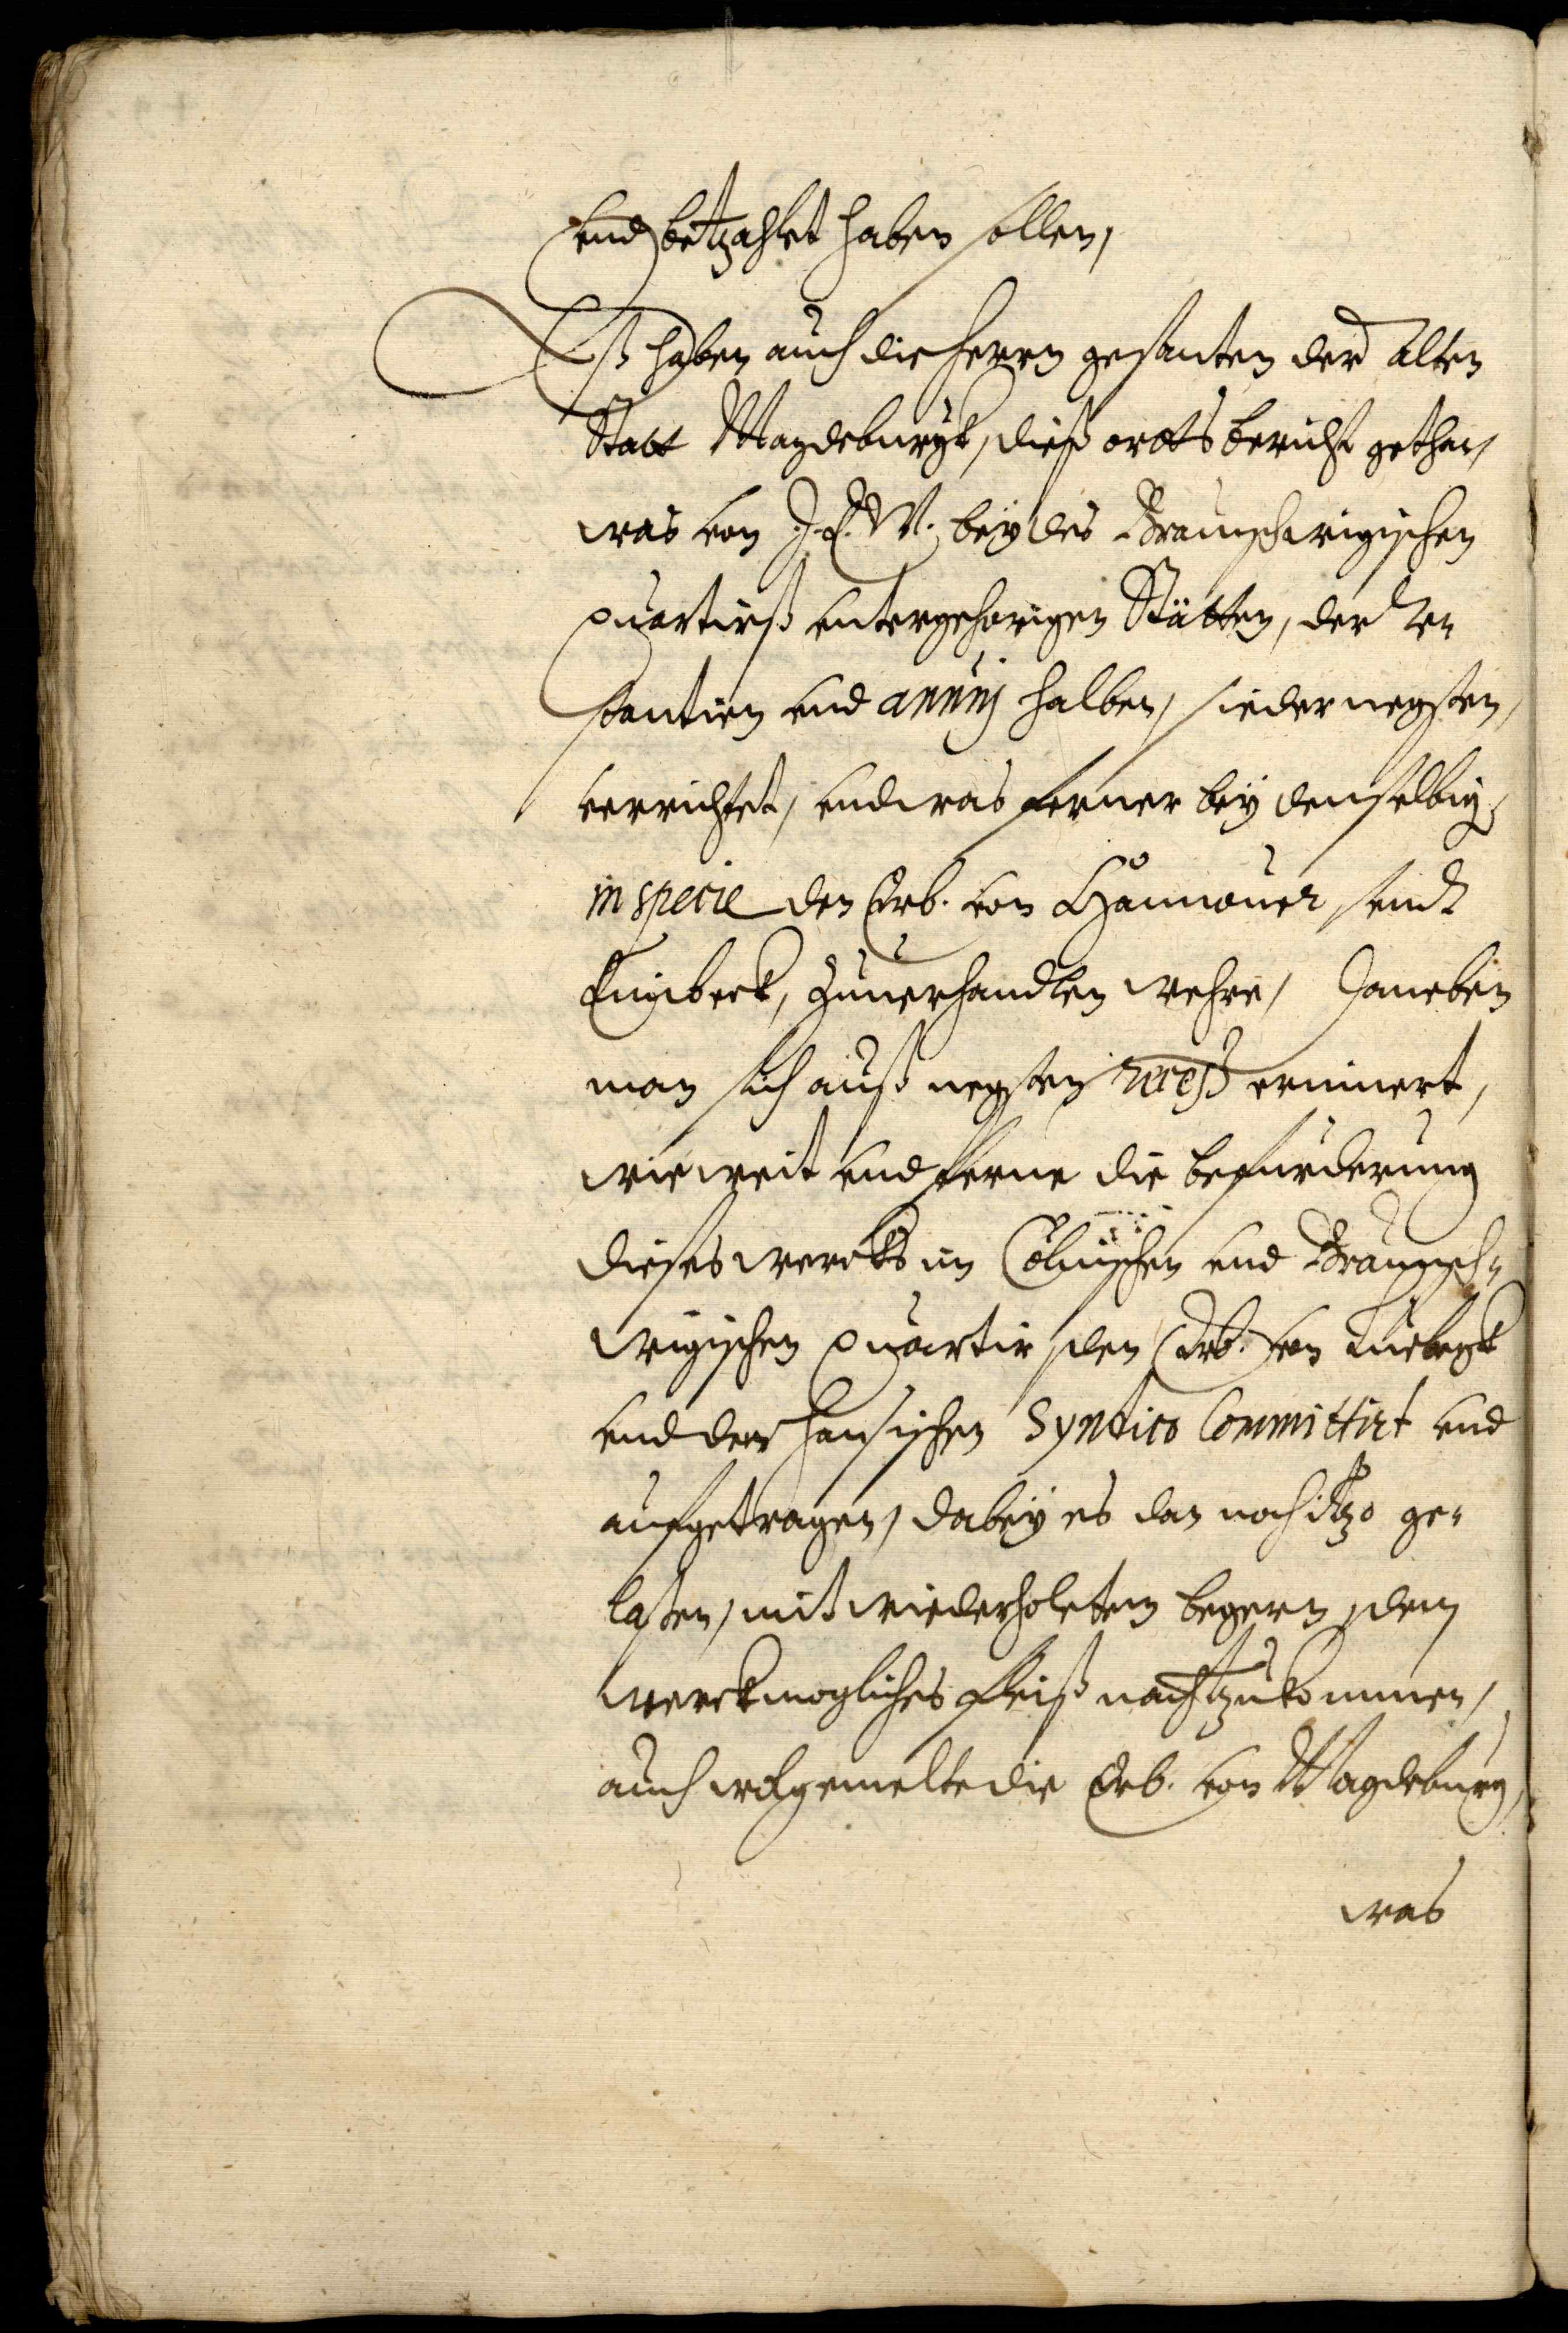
Vnd betzahlet haben sollen,
Eß haben auch die herrn gesanten der Alten
Statt Magdeburgk, dies orrts bericht gethan,
was von J. M. W. beij des Braunschweigischen
quartirß vntergehorigen Stätten, der re¬
stantien vnd annuj halben, sie der negsten,
verrichtet, vnd was ferner beij denselbigen
in specie den Erb. von Hannouer sendt
Einbeck, zuuerhandlen wehre, daneben
man sich auß negsten receß erinnert,
wieweit vnd ferne die befurderung
dieses wercks im Colnischen vnd Braunsch¬
weigischen quartier, den Erb: von Luebegk,
vnd dem hansischen Syndico committirt vnd
aufgetragen, dabeij es das nachitzo ge¬
lasen, mit wiederholetem begern, dem
werckmogliches fleiß nachtzukommen,
auch wolgemelte die Erb. von Magdeburg,
was
